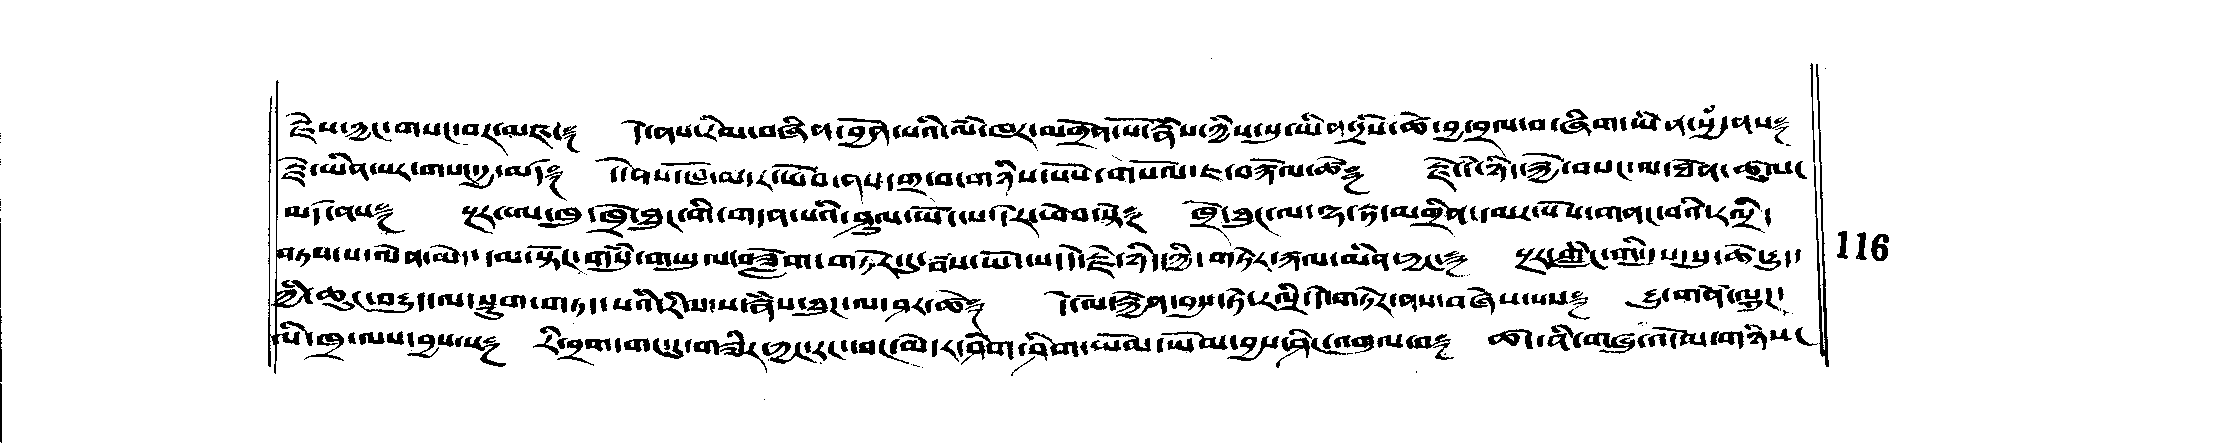རྗེས་ཀྱང་གསང་བར་མཛད། དེ་ནས་རིམ་བཞིན་བྱོན་པའི་ལམ་ཁར་མགྲོན་པོ་རྣམས་ཀྱིས་སུ་ཡིན་དྲིས་ཚེ་བྱ་བྲལ་བ་ཞིག་ཡིན་གསུངས་ནས། 
རྗེ་ཡིན་པར་གསང་རྒྱ་མཛད། དེ་ནས་མཁོ་མདར་ཕེབས་ནས་གྲྭ་བ་གཉིས་པོས་གསོལ་ཇ་སྐོལ་ཚེ། རྗེ་དེ་ཉིད་སྐྱ་བསང་ལ་ཐོན་ཚུལ་
མཛད་ནས། སྔར་ཨ་ཁུ་ཁྲོ་ཐུང་གི་གདན་སའི་ཤུལ་ཡོད་པ་དེར་ཕེབས་སྟེ། ཁྲོ་ཐུང་ལ་ལྷ་རྟ་མགྲིན་དམར་པོས་གནང་བའི་རལ་གྲི་
བཏབ་པ་ལེན་༼ལན་?༽མེད་དམ་སྟོང་གསུམ་གཡུལ་བཟློག་གཏེར་དུ་སྦས་ཡོད་པ་དེ་རྗེ་ཉིད་ཀྱི་གཏེར་སྐལ་མིན་ཀྱང་། སྔར་གླིང་གི་དུས་སུ་ཆེ་རྒྱུད་
ཀྱི་ཆུང་བརྒྱུད་ལ་སྡུག་གཏད་པའི་རིམ་པ་རྣམས་ཐུགས་ལ་ཤར་ཚེ།དེ་ལ་རྐྱེན་བྱས་ཏེ་རལ་གྲི་དེ་གཏེར་ནས་བཞེས་པས། རྒྱུ་གནམ་ལྕགས་
ལི་ཁྲ་ལས་བྱས་པ། རི་བྲག་གང་དུ་གཟིར་ཀྱང་རང་དབང་མེད་པར་ཤིག་ཤིག་ཡོམ་ཡོམ་བྱས་ཤིང་འགུལ་བ། ཚད་ནི་གཞུ་འདོམ་གཉིས་